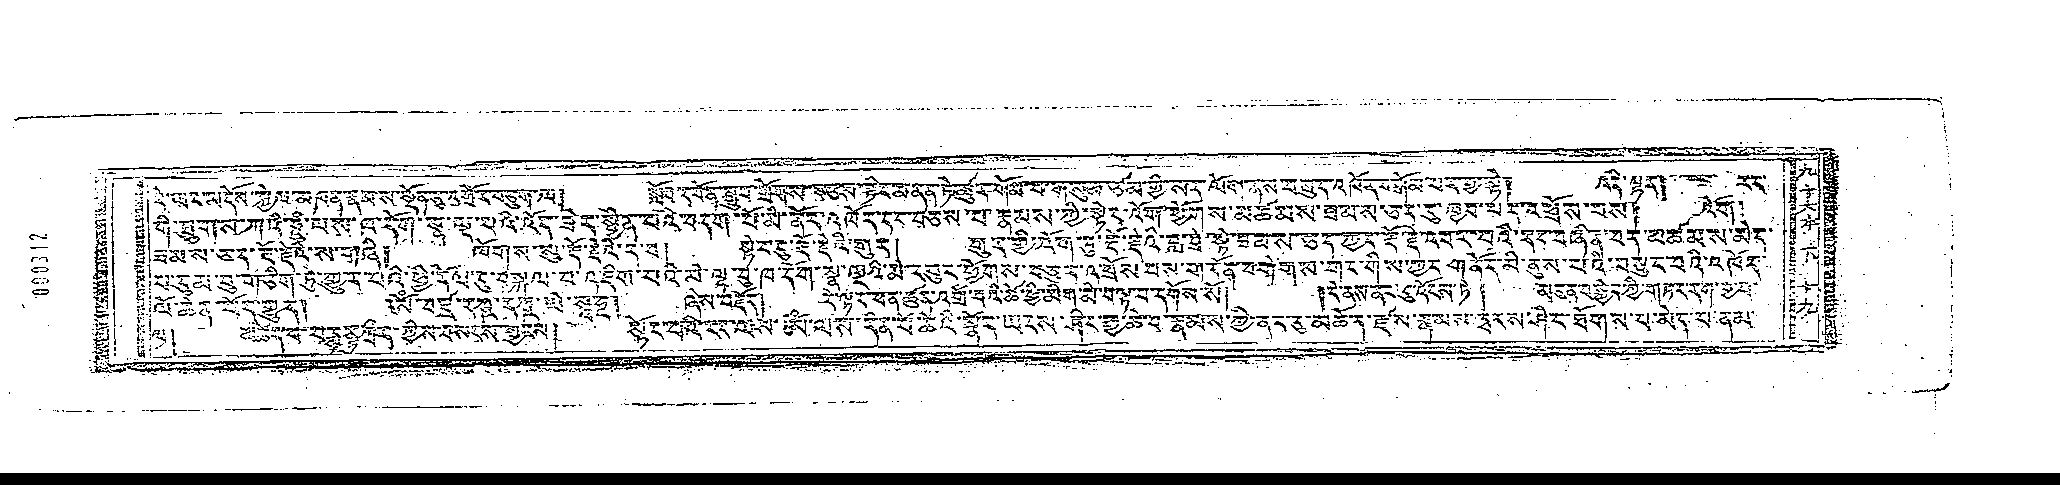དེ་ཡང་མངོས་སྐྱེལ་མཁན་རྣམས་སྔོན་དུ་འགྲོར་བཅུག་ལ། སློབ་དཔོན་སྒྲུབ་གྲོགས་བཅས་རྟེང་མནན་ཏེ་ཚུར་གོམ་པ་གསུམ་ཙམ་གྱི་སར་ལོག་ནས་བསྲུང་འཁོར་བསྒོམ་པར་བྱ་སྟེ། འདི་ལྟར། རང་
གི་ཐུགས་ཀའི་ཧཱུཾ་ལས་ཁ་དོག་སྣ་ལྔ་པའི་འོད་ཟེར་སྦྱིན་པའི་བདག་པོ་མི་ནོར་འཁོར་དང་བཅས་པ་རྣམས་ཀྱི་སྟེང་འོག་ཕྱོགས་མཚམས་ཐམས་ཅད་དུ་ཁྱབ་པར་འཕྲོས་པས། འོག་
ཐམས་ཅད་རྡོ་རྗེའི་ས་གཞི། ལོགས་སུ་རྡོ་རྗེའི་ར་བ། སྟེང་དུ་རྡོ་རྗེའི་གུར། །གུར་གྱི་འོག་ཏུ་རྡོ་རྗེའི་བླ་བྲེ་སྟེ་ཐམས་ཅད་ཀྱང་རྡོ་རྗེ་འབར་པའི་རང་བཞིན་བར་མཚམས་མེད་
བ་དུམ་བུ་གཅིག་ཏུ་གྱུར་པའི་ཕྱི་རོལ་དུ་བསྐལ་པ་འཇིག་པའི་མེ་ལྟ་བུ་ཁ་ངོག་སྣ་ལྡའི་མེ་དཔུང་ཕྱོགས་བཅུར་འཕྲོམ་པས་གདོན་བགེགས་གང་གིས་ཀྱང་གནོད་མི་ནུས་པའི་བསྲུང་བའི་འཁོར་
ལོ་ཆེན་པོར་གྱུར། ཨོཾ་བཛྲ་རཀྵ་ར་ཀྵ་ཡེ་སྭཱཧཱ། ཞེས་བརྗོད། དེ་ལྟར་ཕན་ཚུན་འགྲོ་བའི་ཚེ་ཕྱི་མིག་མི་བལྟ་བ་དགོས་སོ། །དེ་ནས་ནང་དུ་འོངས་ཏེ། མདུན་བསྐྱེད་ཀྱི་གཏང་རག་བྱ་བ་
ལ། མཆོད་པ་པདམཱནྟཀྲྀད་ཀྱིས་བསངས་སྦྱངས། སྟོང་པའི་དང་ལས་ཨོཾ་ལས་རིན་པོ་ཆེའི་སྣོད་ཡངས་ཤིང་རྒྱ་ཆེ་བ་རྣམས་ཀྱི་ནང་དུ་མཆོར་རྫས་རྣམས་དྭངས་ཤིང་ཐོགས་པ་མེད་པ་ནམ་